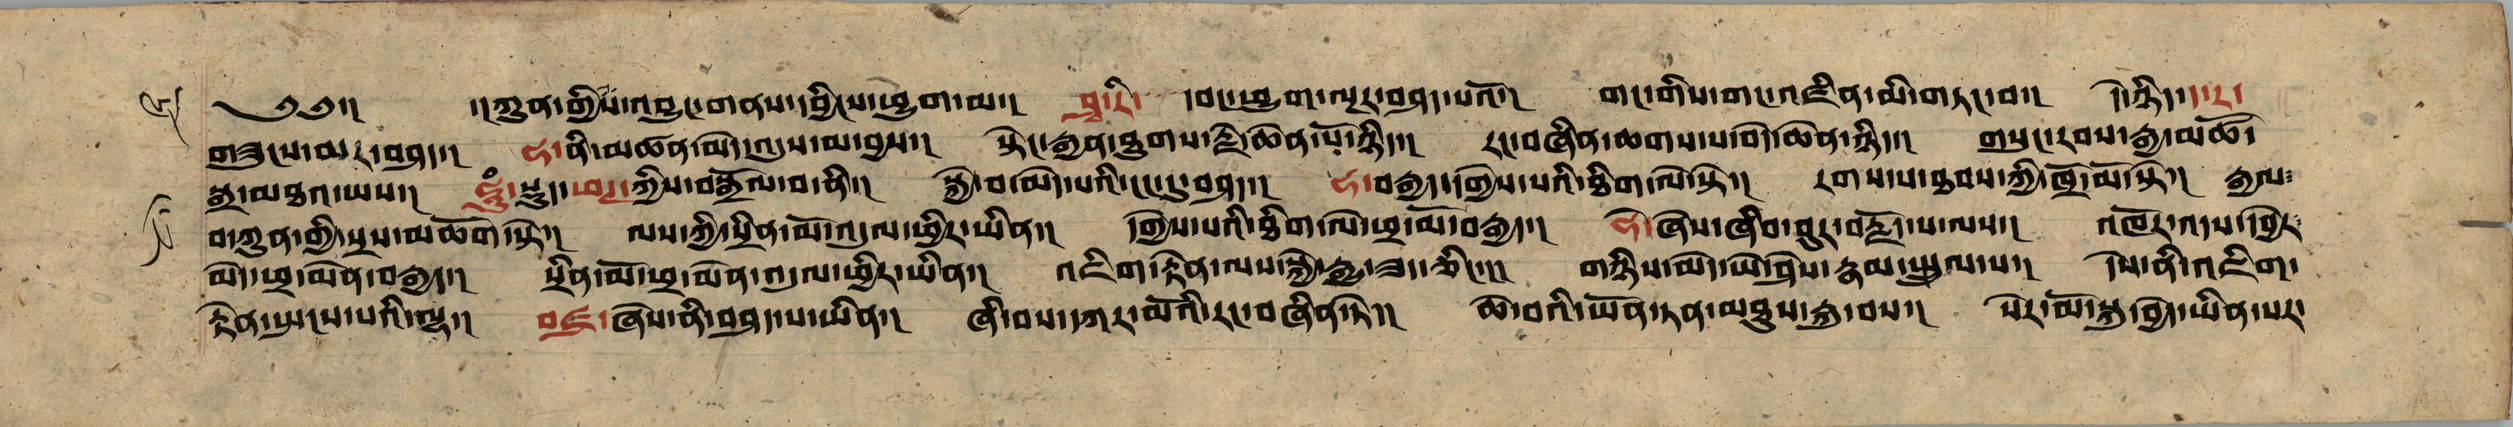༄༅་། ་།ཀུན་གྱིས་འབྱུང་གནས་དབྱིངས་ཕྱུག་མ་། ཤྭ་རི་ དབང་ཕྱུག་ལྔར་བཤད་པའོ་། གང་གིས་གང་འཛིན་མི་གཏང་བ་། དེ་ཉིད་ད་ར་
གཟུངས་མར་བཤད་། ཧ་ནི་མཚན་མེད་འདུས་མ་བྱས་། སྟེང་རྒྱན་ཐུགས་རྗེ་ཆེན་པོ་ཉིད་། རང་བཞིན་ཆགས་པ་བདེ་ཆེན་ཉིད་། གསུང་རབས་རྒྱ་མཚོ་
སྒྲ་མཐའ་ཡས་། ཧཱུཾ་སྡུད་ཕཊ་ཀྱིས་བསྒྲོལ་བ་ནི་། སྐྱེ་བ་མེད་པའི་ངང་དུ་བཤད་། ཧ་བརྒྱད་དགྱེས་པའི་ཐིག་ལེ་སྟེ་། རགས་པ་ཐབས་ཀྱི་ཁྲོ་མོ་སྟེ་། རྒྱལ་
བ་ཀུན་གྱི་སྲས་མཆོག་སྟེ་། ལས་ཀྱི་སྲིན་མོ་འདུལ་ཕྱིར་ཡིན་། དགྱེས་པའི་ཐིག་ལེ་ཕྲ་མོ་བརྒྱད་། ཧེ་ཞེས་ཞིབ་བུར་བརྗོད་པ་ལས་། འཁོར་འདས་དབྱེར༴
མེད་ཕྲ་མེན་བརྒྱད་། སྲིན་མོ་ཕྲ་མེན་འདུལ་ཕྱིར་ཡིན་། འཇིག་རྟེན་ལས་སྐྱེ་རྒྱུ་ཟད་ཅིང་།།། གཉིས་མེད་ཡེ་ཤེས་རྣམ་སྤྲུལ་པ་། དེས་ནི་འཇིག་
རྟེན་སྤངས་པའི་ལྷ་། བཛྲ་ཞེས་ནི་བཤད་པ་ཡིན་། ཞི་བས་དཀར་མོའི་རང་བཞིན་ཏེ་། ཆེ་བའི་ཡོན་ཏན་མཐུས་རྐུ་བས་། སེར་མོ་སྐུ་བྱེད་ཡིན་པར་